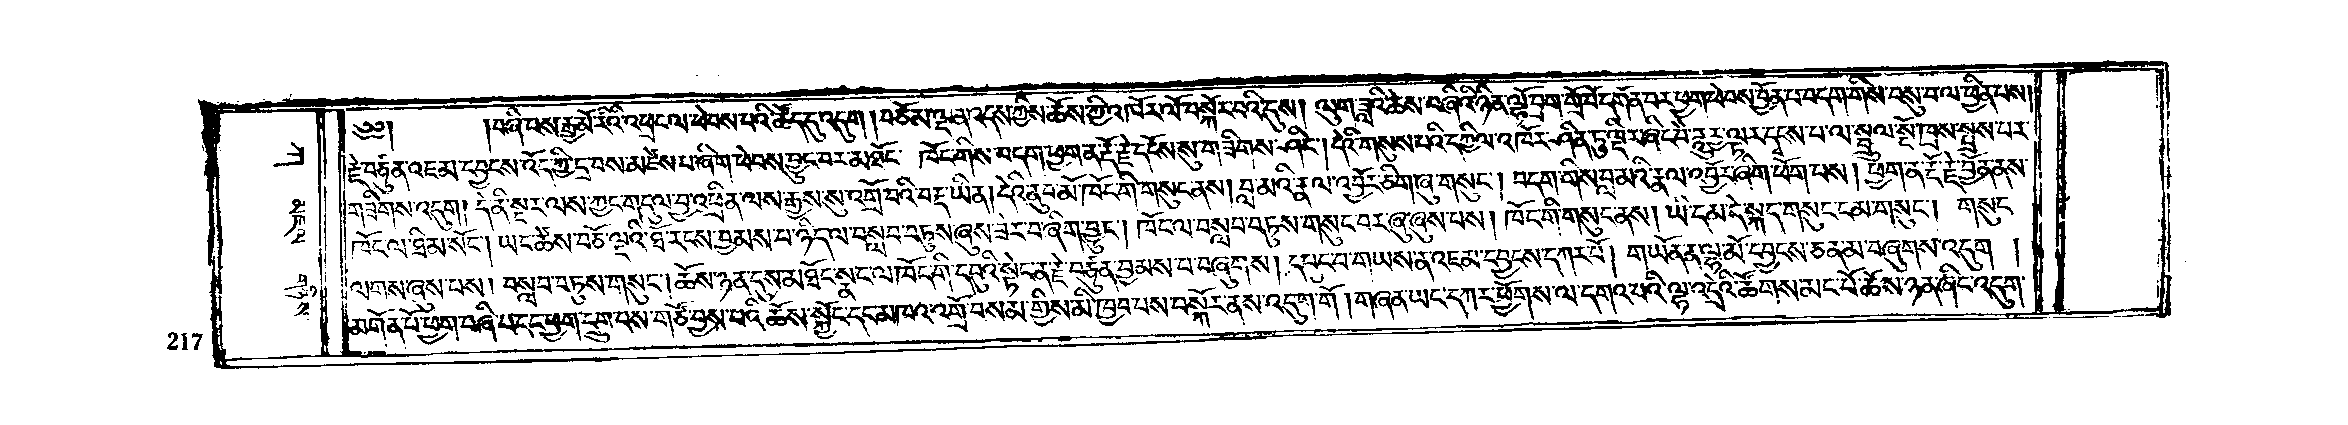༄༅། །བཞི་པས་རྒྱ་མོ་རིའི་འཕྲང་ལ་ཕེབས་པའི་ཚོད་དུ་འདུག །བཅོམ་ལྡན་འདས་ཀྱིས་ཆོས་ཀྱི་འཁོར་ལོ་བསྐོར་བའི་དུས། ལུག་ཟླའི་ཆེས་བཞིའི་ཉིན་ལྷོ་བྲག་གྲོ་བོ་དགོན་པར་ཕྱག་ཕེབས་བྱོན་པ་བདག་གིས་བསུ་བ་ལ་ཕྱིན་པས།
རྗེ་བཙུན་འཇམ་དབྱངས་འོད་ཀྱི་དྲ་བས་མཛེས་པ་ཞིག་ཕེབས་བྱུང་བར་མཐོང་ཁོང་གིས་བདག་ཕྱག་ན་རྡོ་རྗེ་དངོས་སུ་གཟིགས་ཤིང་། དེའི་གསུས་པའི་དཀྱིལ་འཁོར་ཤིན་ཏུ་ལྡིར་ཞིང་བེ་ཌཱུརྱ་ལྟར་དྭངས་པ་ལ་སྦྲུལ་སྔོ་ཁྲས་སྤྲས་པར་
གཟིགས་འདུག །དེ་ནི་སྔར་ལས་ཀྱང་གདུལ་བྱ་འཕྲིན་ལས་རྒྱས་སུ་འགྲོ་བའི་བརྡ་ཡིན། དེའི་ནུབ་མོ་ཁོང་གི་གསུང་ནས། བླ་མའི་རྣལ་འབྱོར་ཅིག་ཞུ་གསུང་། བདག་གིས་བླ་མའི་རྣལ་འབྱོར་ཞིག་ཕོག་པས། ཕྱག་ན་རྡོ་རྗེ་བྱོན་ནས་
ཁོང་ལ་ཐིམ་སོང་། ཡང་ཚེས་བཅོ་ལྔའི་ཐོ་རངས་བྱམས་པ་ཉིད་ལ་བསླབ་བཏུས་ཞུས་ཟེར་བ་ཞིག་བྱུང་། ཁོང་ལ་བསླབ་བཏུས་གསུང་བར་ཞུ་ཞུས་པས། ཁོང་གི་གསུང་ནས། ཡི་དམ་དེ་སྐད་གསུང་ངམ་གསུང་། གསུང་
ལགས་ཞུས་པས། བསླབ་བཏུས་གསུང་། ཆོས་ཉན་དུས་མཐོང་སྣང་ལ་ཁོང་གི་དབུའི་སྟེང་ན་རྗེ་བཙུན་བྱམས་པ་བཞུགས། དཔུང་པ་གཡས་ན་འཇམ་དབྱངས་དཀར་པོ། གཡོན་ན་ལྷ་མོ་དབྱངས་ཅན་མ་བཞུགས་འདུག །
མགོན་པོ་ཕྱག་བཞི་པ་དང་ཕྱག་དྲུག་པས་གཙོ་བྱས་པའི་ཆོས་སྐྱོང་དང་མཁའ་འགྲོ་བསམ་གྱིས་མི་ཁྱབ་པས་བསྐོར་ནས་འདུག་གོ །གཞན་ཡང་དཀར་ཕྱོགས་ལ་དགའ་པའི་ལྷ་འདྲེའི་ཚོགས་མང་པོ་ཆོས་ཉན་ཞིང་འདུག་